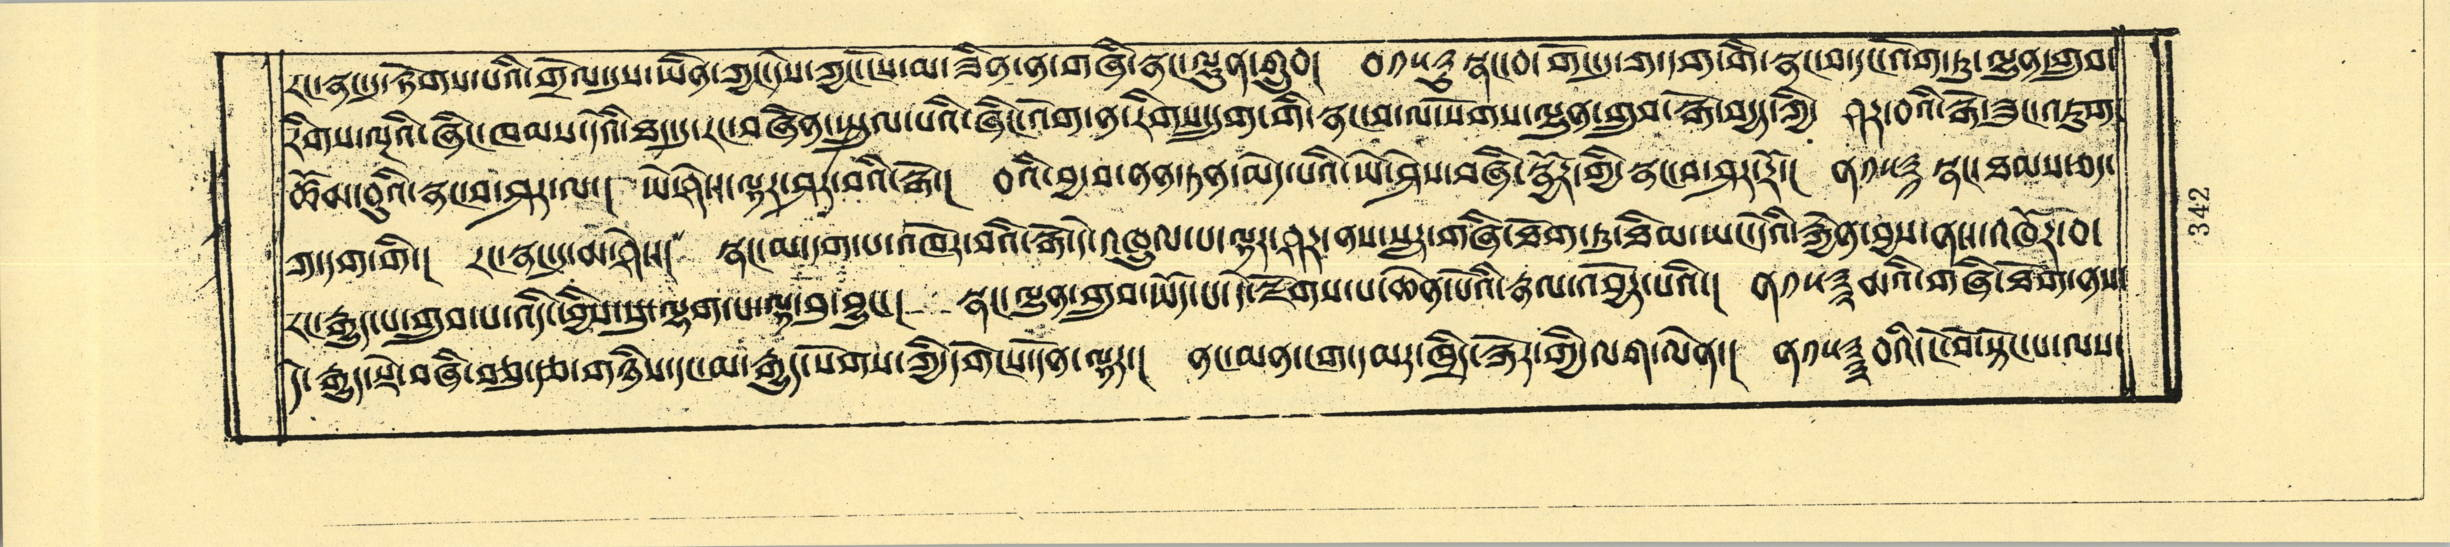རང་སྣང་དུ་རྟོགས་པའི་གྲོལ་དུས་ཡིན་ཀྱང་དེས་ཀྱང་ངོས་མ་ཟིན་ན་གཞི་ ༼སྣང་ལྷུན་གྲུབ།༽བ༡༥༢།༦ ༼སྣང་བ་༽གོང་དུ་ཀ་དག་གི་སྣང་བ་དང་འོག་ཏུ་ལྷུན་གྲུབ་
རིགས་ལྔའི་ཞིང་ཁམས་དེའི་ཐད་དུ་རང་བཞིན་སྤྲུལ་པའི་ཞིང་འོག་ན་རིགས་དྲུག་གི་སྣང་བ་ལ་སོགས་ལྷུན་གྲུབ་སྒོ་བརྒྱད་ཀྱི་ ༼ཤར་བའི་༽སྒོ་ཟུང་འཇུག་ 
༼ཚོམ་བུའི་༽སྣང་བ་ཤར་ལ། ༼ཡེ་ཤེས་༽ལྟར་ཤར་བའི་སྒོ། ༼བའི་༽བྱ་བ་ནན་ཏན་མེད་པའི་ཡེ་ཤེས་བཞི་ ༼སྦྱོར་༽གྱི་སྣང་བ་ཤར་ ༼རོ།༽ན༡༥༣།༡ ༼སྣང་༽ཐམས་ཅད་
ཀ་དག་གི། རང་སྣང་དུ་ ༼མ་ཤེས།༽སྣང་མ་དག་པ་འཁོར་བའི་སྒོ་དེ་ ༼འཁྲུལ་པ་ལྟར་ཤར་༽ནས་སླར་གཞི་ཐོག་ཏུ་ཐིམ་ཡང་དེའི་རྐྱེན་བྱས་ ༼ནས་འཁོར་བ་༽
རང་རྒྱུད་པ་གྲུབ་པ་འདི་ཕྱིས་སུ་ལྷག་པ་ལྟ་བུ་བྱུང། ༼སྣང་༽ལྷུན་གྲུབ་ ༼ཡོད་པ་༽དེ་སྫོགས་པ་ཆེན་པོའི་རྣལ་འབྱོར་པའི། ན༡༥༣།༢ ༼མའི་༽གཞི་ཐོག་ནས་
དེ་རྒྱུད་སྡེ་བཞི་བཅུ་རྩ་གཉིས་དང་མ་རྒྱུད་སོགས་ཀྱི་དགོངས་དོན་ལྟར། ནང་མན་ངག་དམར་ཁྲིད་སྐོར་གྱི་ ༼ལག་ལེན།༽ན༡༥༣།༣ ༼བའི་༽ངོ་བོ་སྟོང་པ་ལས་